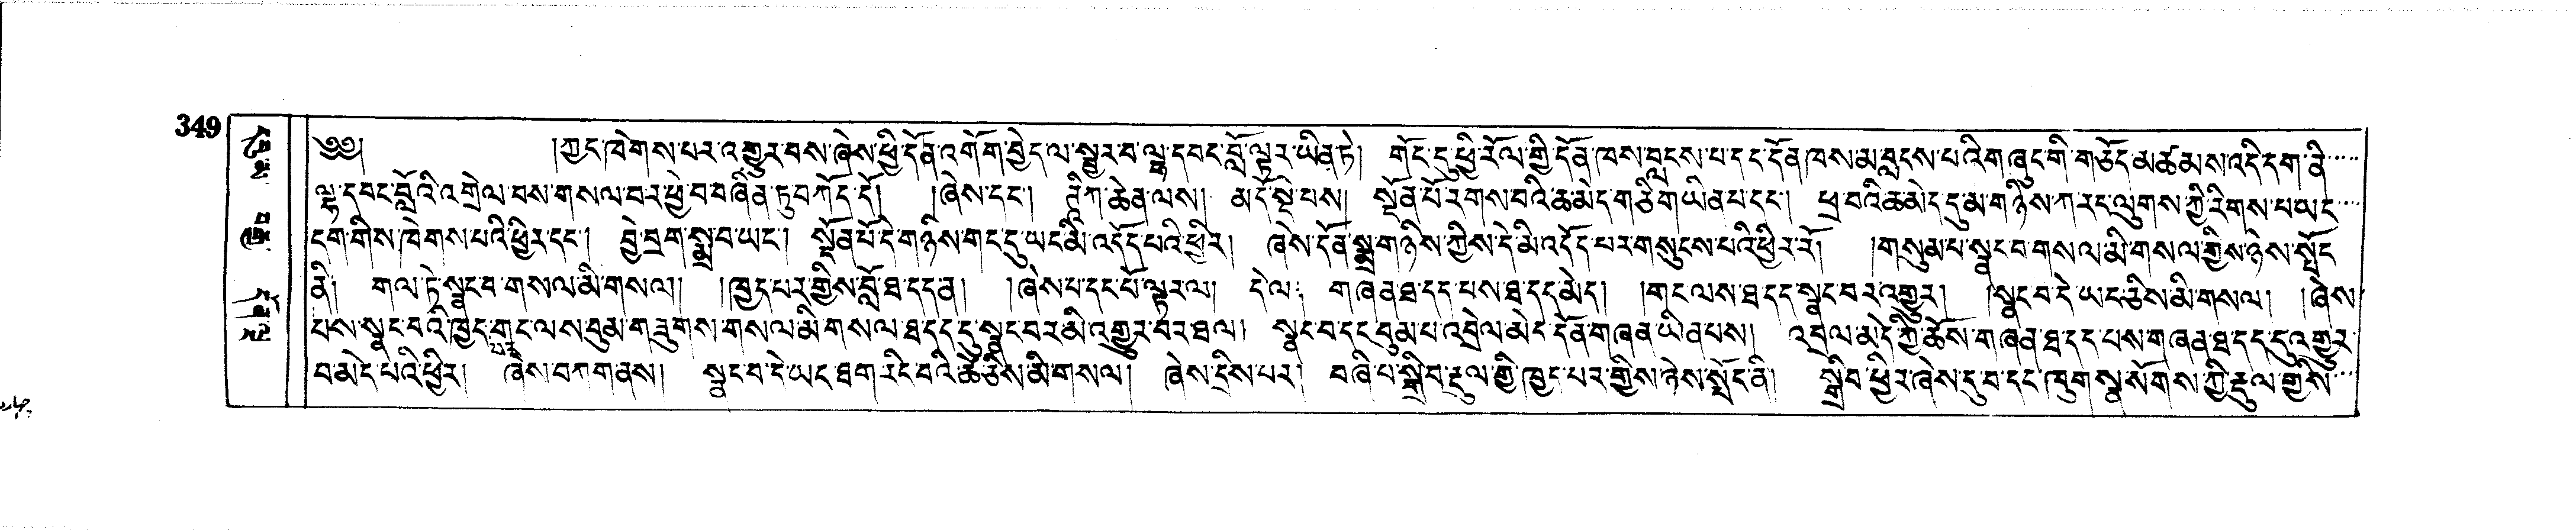༄༅། །ཀྱང་ཁེགས་པར་འགྱུར་བས་ཞེས་ཕྱི་དོན་འགོག་བྱེད་ལ་སྦྱར་བ་ལྷ་དབང་བློ་ལྟར་ཡིན་ཏེ། གོང་དུ་ཕྱི་རོལ་གྱི་དོན་ཁས་བླངས་པ་དང་དོན་ཁས་བླངས་པ་དང་དོན་ཁས་མ་བླངས་པའི་གཞུང་གི་གཅོད་མཚམས་འདི་དག་ནི་
ལྷ་དབང་བློའི་འགྲེལ་བས་གསལ་བར་ཕྱེ་བ་བཞིན་ཏུ་བཀོད་དོ། །ཞེས་དང་། ཊཱིཀ་ཆེན་ལས། མདོ་སྡེ་པས། སྔོན་པོ་རགས་བའི་ཆ་མེད་གཅིག་ཡིན་པ་དང་། ཕྲ་བའི་ཆ་མེད་དུ་མ་གཉིས་ཀ་རང་ལུགས་ཀྱི་རིགས་པ་ཡང་
དག་གིས་ཁེགས་པའི་ཕྱིར་དང་། བྱེ་བྲག་སྨྲ་བ་ཡང་། སྔོན་པོ་དེ་གཉིས་གང་དུ་ཡང་མི་འདོད་པའི་ཕྱིར། ཞེས་དོན་པའི་ཕྱིར། ཞེས་དོན་སྨྲ་གཉིས་ཀྱིས་དེ་མི་འདོད་པར་གསུངས་པའི་ཕྱིར་རོ། །གསུམ་པ་སྣང་བ་གསལ་མི་གསལ་གྱིས་ཉེས་སྤོང་
ནི། གལ་ཏེ་སྣང་བ་གསལ་མི་གསལ། །ཁྱད་པར་གྱིས་བློ་ཐ་དད་ན། །ཞེས་པ་དང་པོ་ལྟར་ལ། དེ་ལ། གཞན་ཐ་དད་པས་ཐ་དད་མེད། །གང་ལས་ཐ་དད་སྣང་བར་འགྱུར། །སྣང་བ་དེ་ཡང་ཅིས་མི་གསལ། །ཞེས་
པས་སྣང་བའི་ཁྱད་པར་གང་ལས་བུམ་གཟུགས་གསལ་མི་གསལ་ཐ་དད་དུ་སྣང་བར་མི་འགྱུར་བར་ཐལ། སྣང་བ་དང་བུམ་པ་འབྲེལ་མེད་དོན་གཞན་ཡིན་པས། འབྲེལ་མེད་ཀྱི་ཆོས་གཞན་ཐ་དད་པས་གཞན་ཐ་དད་དུ་འགྱུར་
བ་མེད་པའི་ཕྱིར། ཞེས་བཀག་ནས། སྣང་བ་དེ་ཡང་ཐག་རིང་བའི་ཚེ་ཅིས་མི་གསལ། ཞེས་དྲིས་པར། བཞི་པ་སྒྲིབ་རྡུལ་གྱི་ཁྱད་པར་གྱིས་ཉེས་སྤོང་ནི། སྒྲིབ་ཕྱིར་ཞེས་དུ་བ་དང་ཁུག་སྣ་སོགས་ཀྱི་རྡུལ་གྱིས་